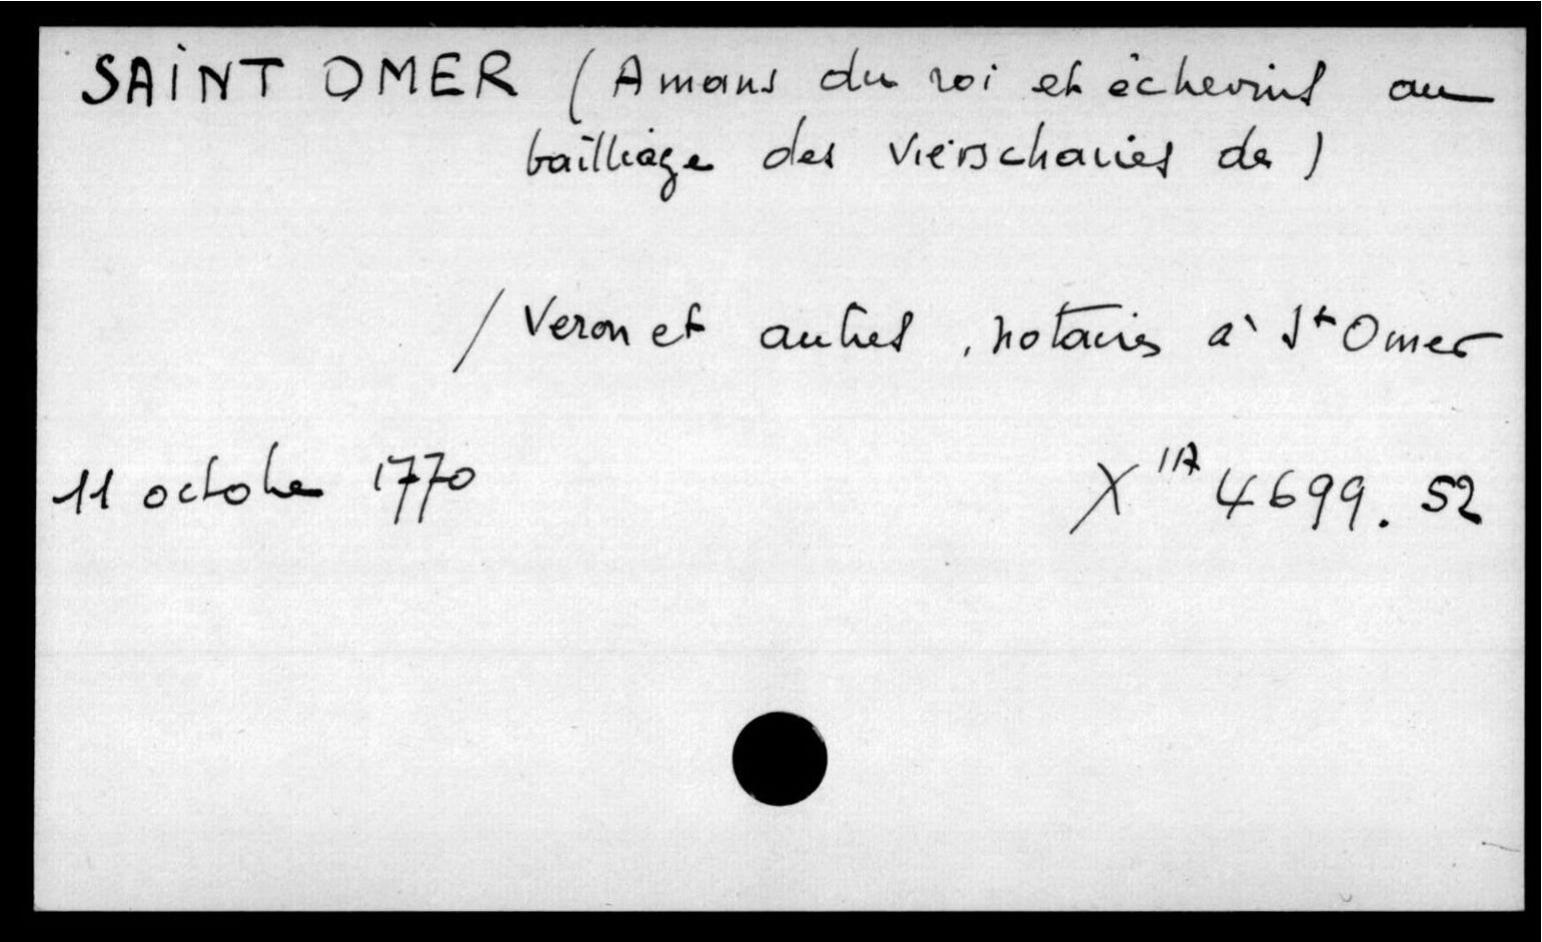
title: SAINT OMER (Amons du roi et échevins au bailliage des Vierscharies de)
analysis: Contre Veron et autres, notaires à Saint-Omer
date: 11 octobre 1770
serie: X1A
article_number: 4699
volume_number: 52
